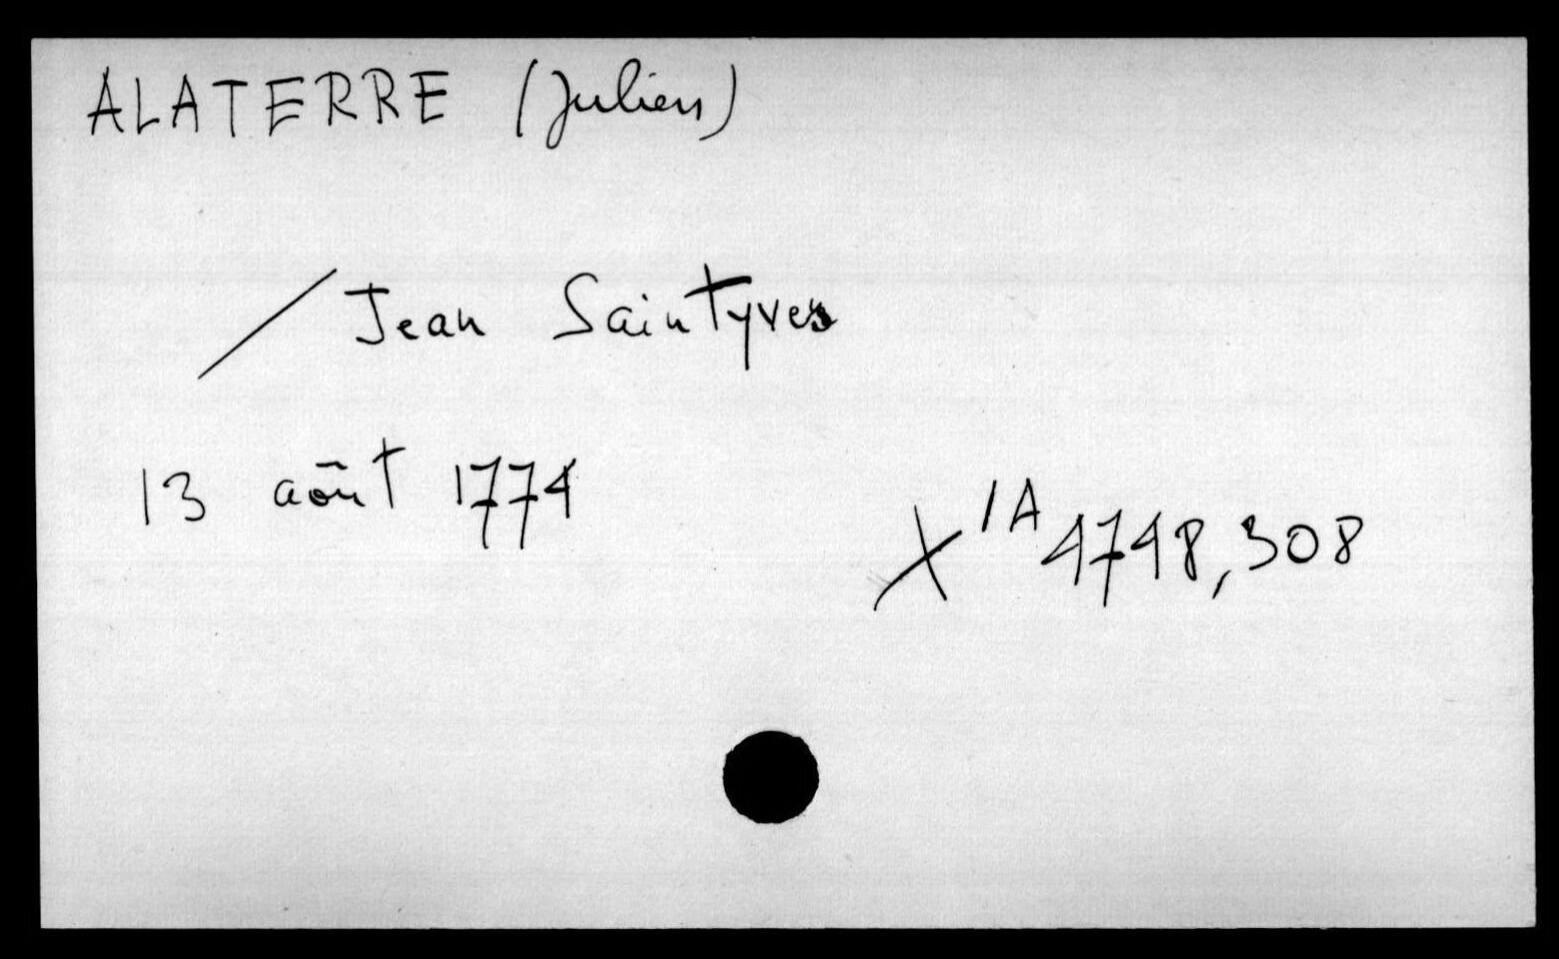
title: ALATERRE (Julien)
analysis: Contre Jean Saintyves
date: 13 août 1774
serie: X1A
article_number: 4748
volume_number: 308
